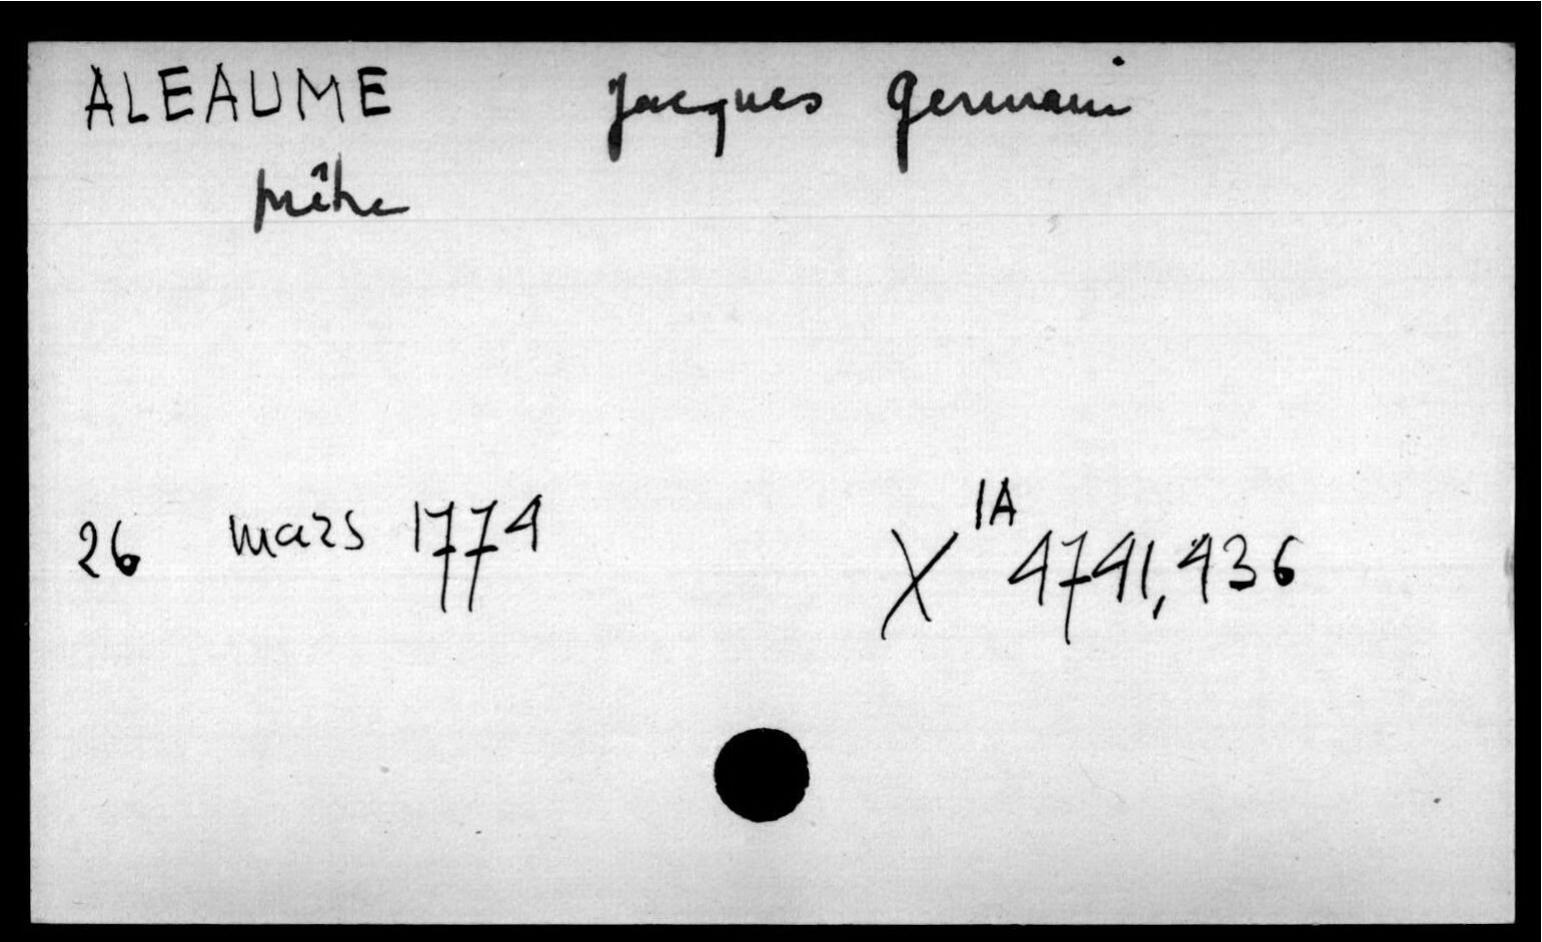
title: ALEAUME Jacques Germain prêtre
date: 26 mars 1774
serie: X1A
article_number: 4741
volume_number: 436
